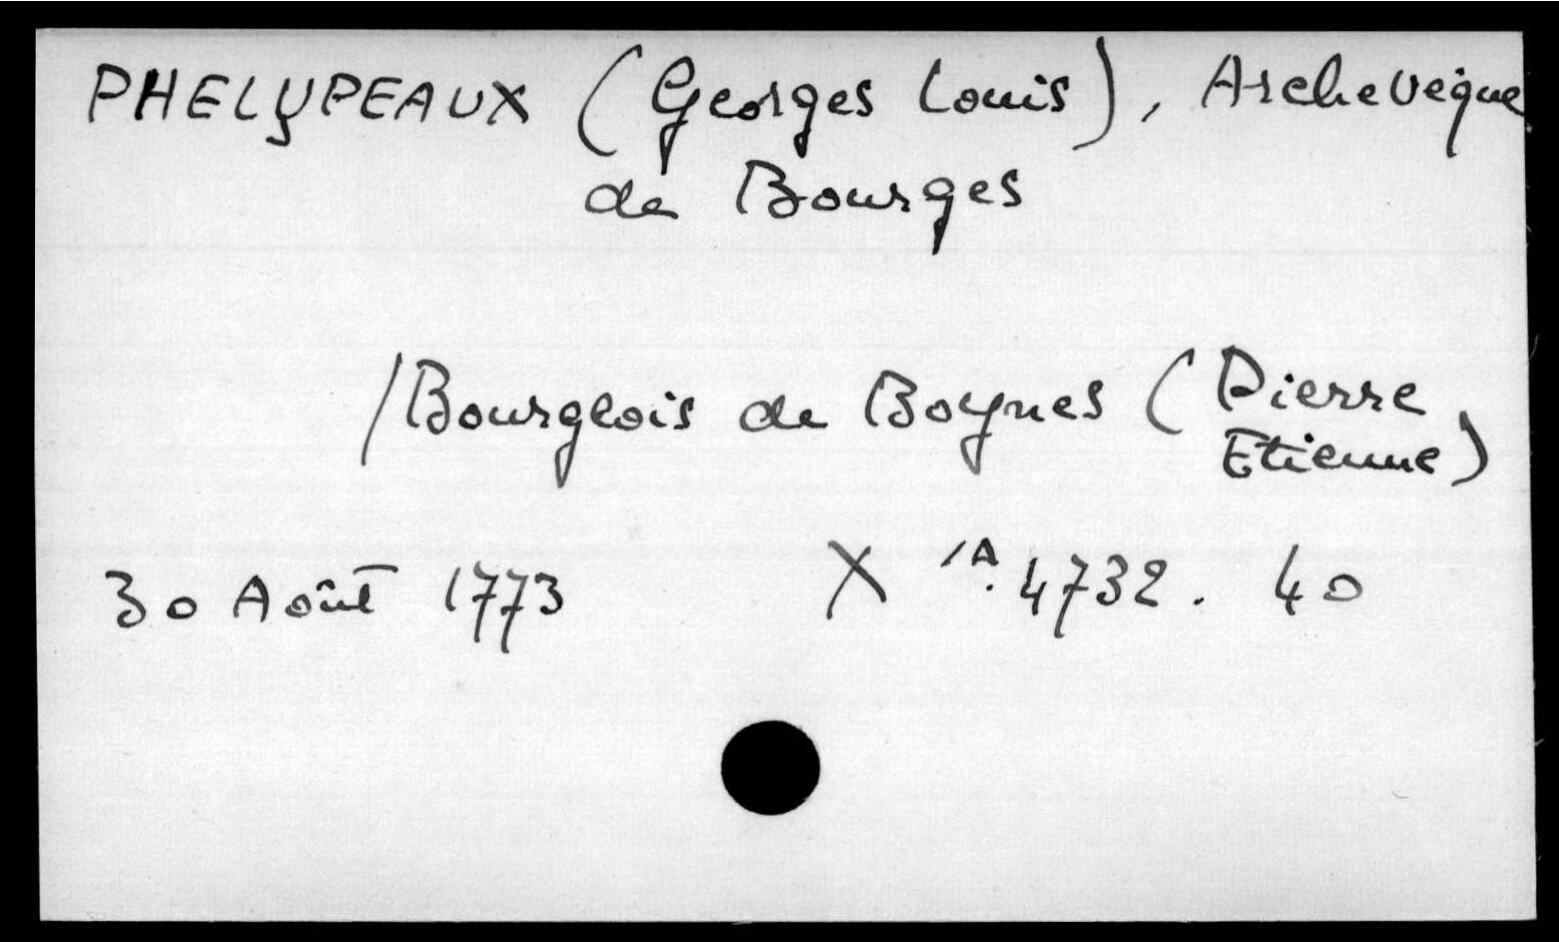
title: PHELYPEAUX (Georges Louis), Archevêque de Bourges
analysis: Contre Bourgeois de Boynes (Pierre Etienne)
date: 30 août 1773
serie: X1A
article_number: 4732
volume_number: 40
